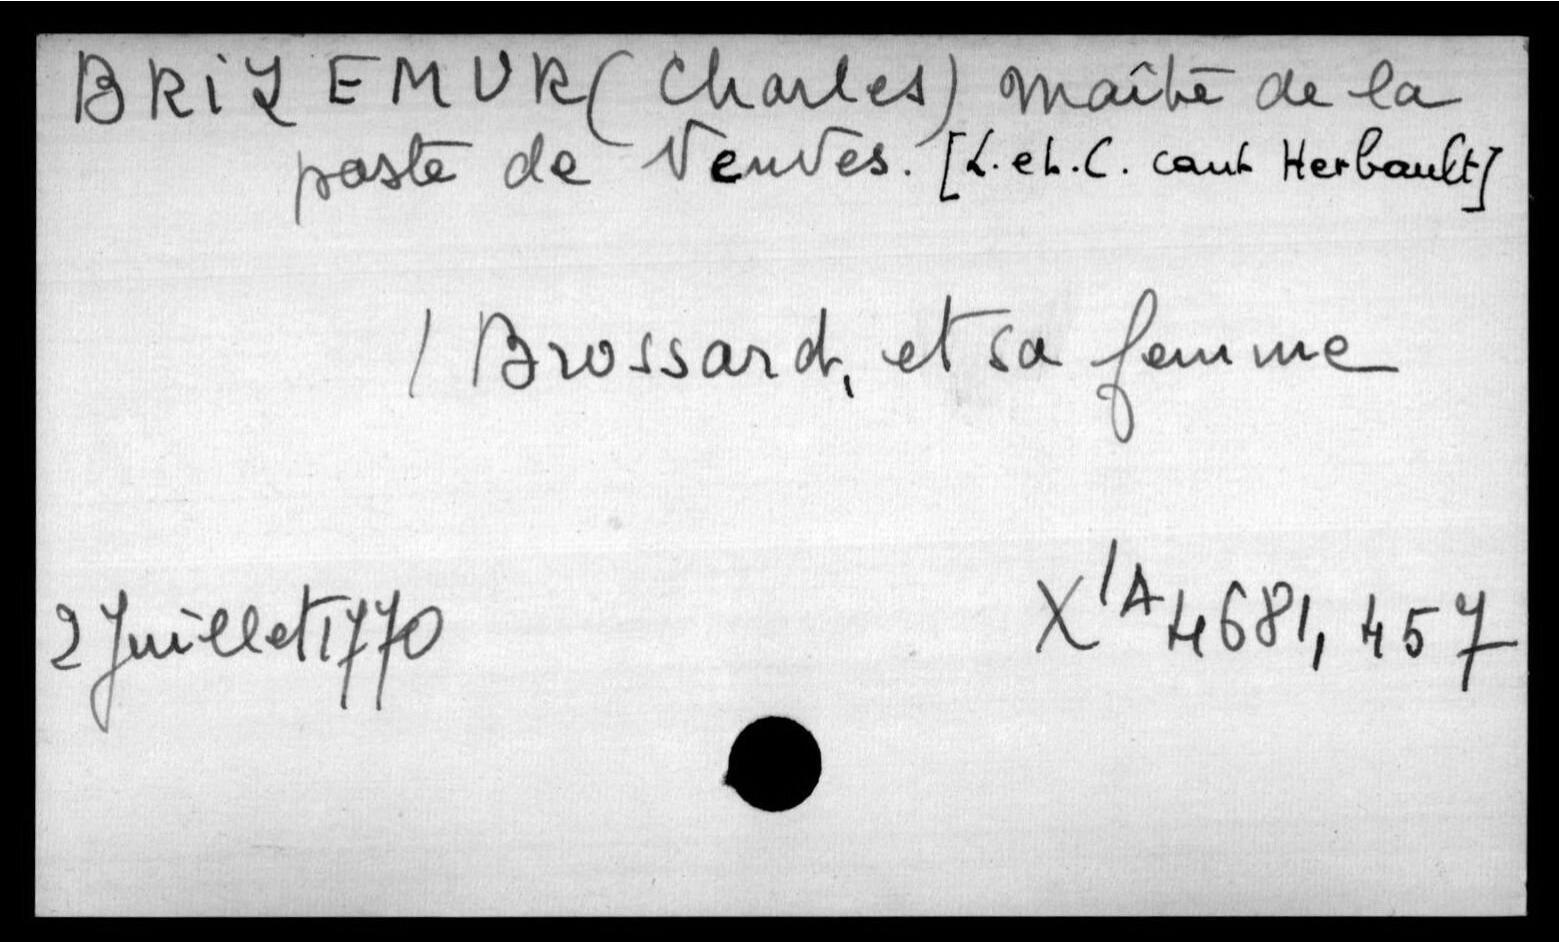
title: BRIZEMUR (Charles) maître de la poste de Veuves [loir-et-Cher, canton Heurbault]
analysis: contre Brossard, et sa femme
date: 2 juillet 1770
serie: X1A
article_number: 4681
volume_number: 457
